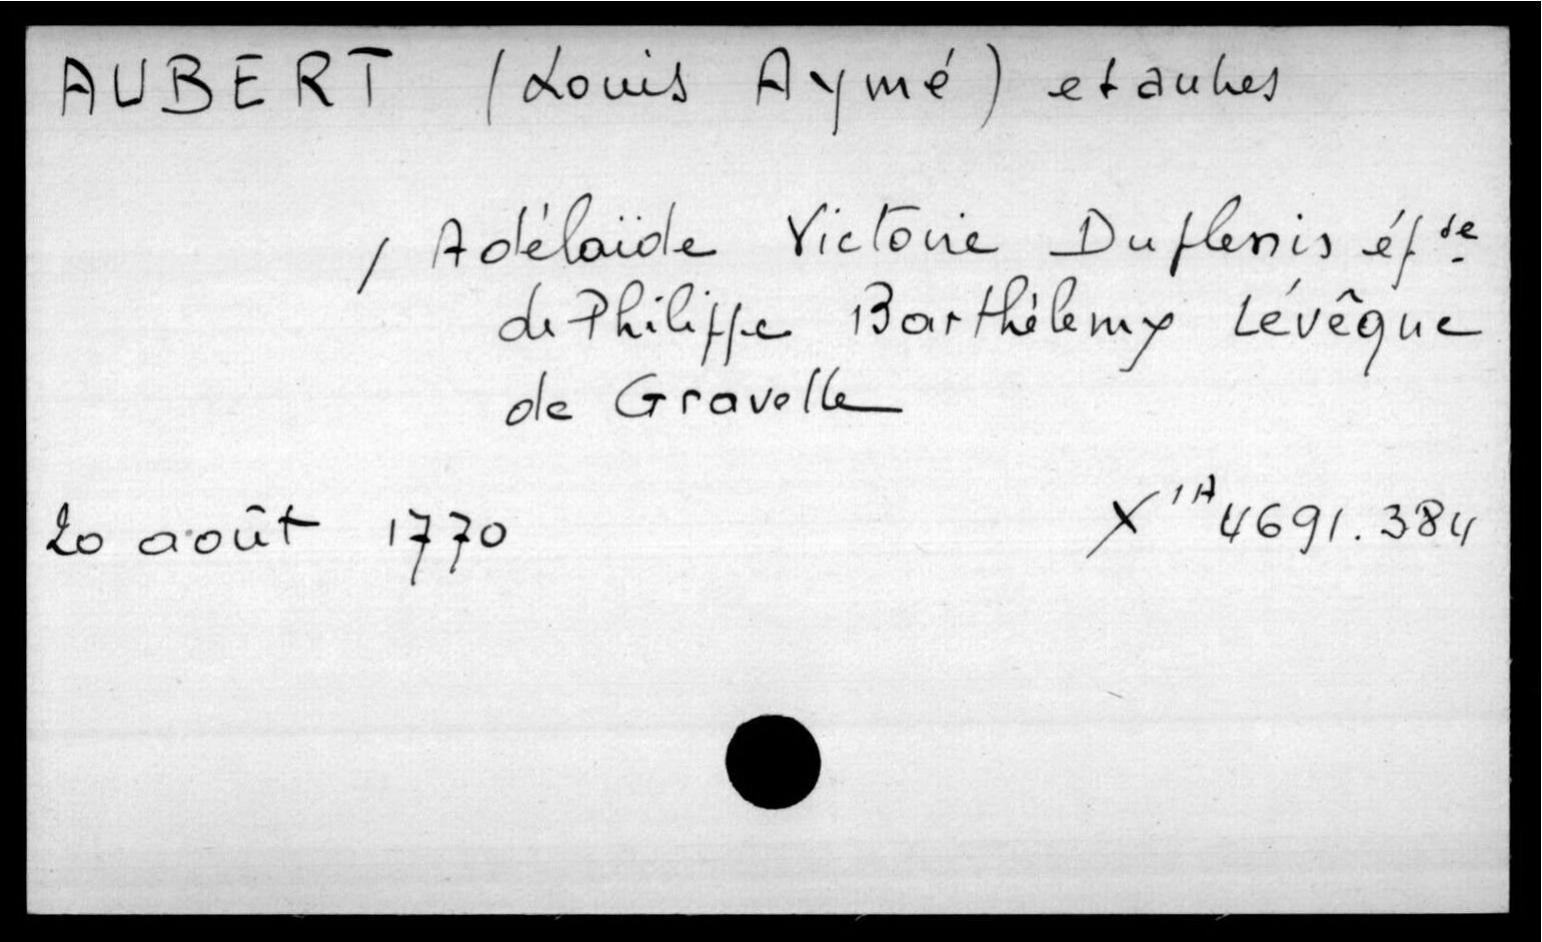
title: AUBERT (Louis Aymé) et autres
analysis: Contre Adélaide Victoire Duplessis épouse de Philippe Barthélemy L'évêque de Gravelle
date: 20 août 1770
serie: X1A
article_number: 4691
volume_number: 384
